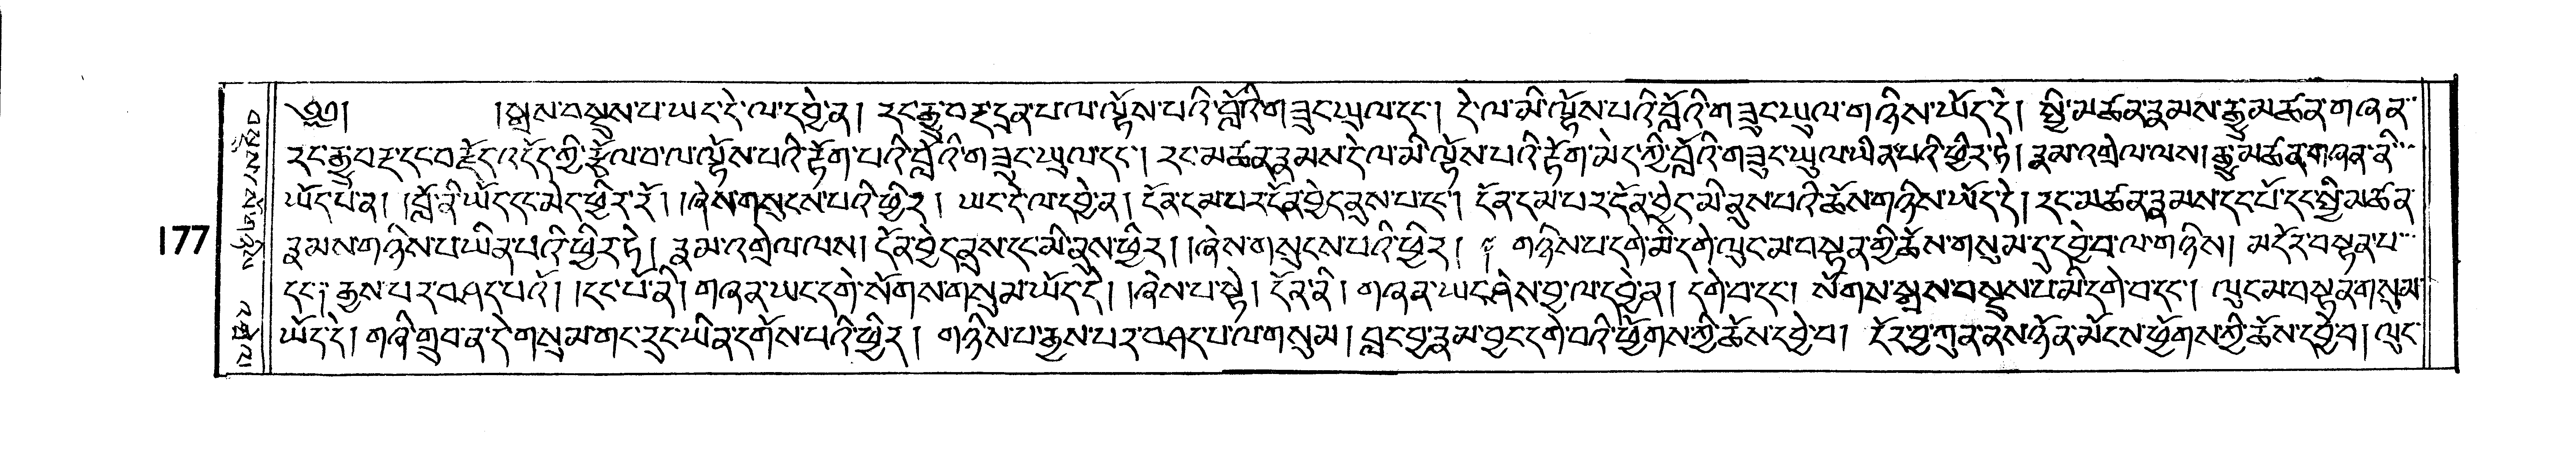༄༅། །སྒྲས་བསྡུས་པ་ཡང་དེ་ལ་དབྱེ་ན། རང་རྒྱུ་བརྡ་དྲན་པ་ལ་ལྟོས་པའི་བློའི་གཟུང་ཡུལ་དང་། དེ་ལ་མི་ལྟོས་པའི་བློའི་གཟུང་ཡུལ་གཉིས་ཡོད་དེ། སྤྱི་མཚན་རྣམས་རྒྱུ་མཚན་གཞན་
རང་རྒྱུ་བརྡ་དང་བརྗོད་འདོད་ཀྱི་རྩོལ་བ་ལ་ལྟོས་པའི་རྟོག་པའི་བློའི་གཟུང་ཡུལ་དང་། རང་མཚན་རྣམས་དེ་ལ་མི་ལྟོས་པའི་རྟོག་མེད་ཀྱི་བློའི་གཟུང་ཡུལ་ཡིན་པའི་ཕྱིར་ཏེ། རྣམ་འགྲེལ་ལས། རྒྱུ་མཚན་གཞན་ནི་
ཡོད་པ་ན། །བློ་ནི་ཡོད་དང་མེད་ཕྱིར་རོ། །ཞེས་གསུངས་པའི་ཕྱིར། ཡང་དེ་ལ་དབྱེ་ན། དོན་དམ་པར་དོན་བྱེད་ནུས་པ་དང་། དོན་དམ་པར་དོན་བྱེད་མི་ནུས་པའི་ཆོས་གཉིས་ཡོད་དེ། རང་མཚན་རྣམས་དང་པོ་དང་སྤྱི་མཚན་
རྣམས་གཉིས་པ་ཡིན་པའི་ཕྱིར་ཏེ། རྣམ་འགྲེལ་ལས། དོན་བྱེད་ནུས་དང་མི་ནུས་ཕྱིར། །ཞེས་གསུངས་པའི་ཕྱིར། ༈ གཉིས་པ་དགེ་མི་དགེ་ལུང་མ་བསྟན་གྱི་ཆོས་གསུམ་དུ་དབྱེ་བ་ལ་གཉིས། མདོར་བསྟན་པ་
དང༑ རྒྱས་པར་བཤད་པའོ། །དང་པོ་ནི། གཞན་ཡང་དགེ་སོགས་གསུམ་ཡོད་དེ། །ཞེས་པ་སྟེ། དོན་ནི། གཞན་ཡང་ཤེས་བྱ་ལ་དབྱེ་ན། དགེ་བ་དང་། སོགས་སྒྲས་བསྡུས་པ་མི་དགེ་བ་དང་། ལུང་མ་བསྟན་གསུམ་
ཡོད་དེ། གཞི་གྲུབ་ན་དེ་གསུམ་གང་རུང་ཡིན་དགོས་པའི་ཕྱིར། གཉིས་པ་རྒྱས་པར་བཤད་པ་ལ་གསུམ། བླང་བྱ་རྣམ་བྱང་དགེ་བའི་ཕྱོགས་ཀྱི་ཆོས་དབྱེ་བ། དོར་བྱ་ཀུན་ནས་ཉོན་མོངས་ཕྱོགས་ཀྱི་ཆོས་དབྱེ་བ། ལུང་